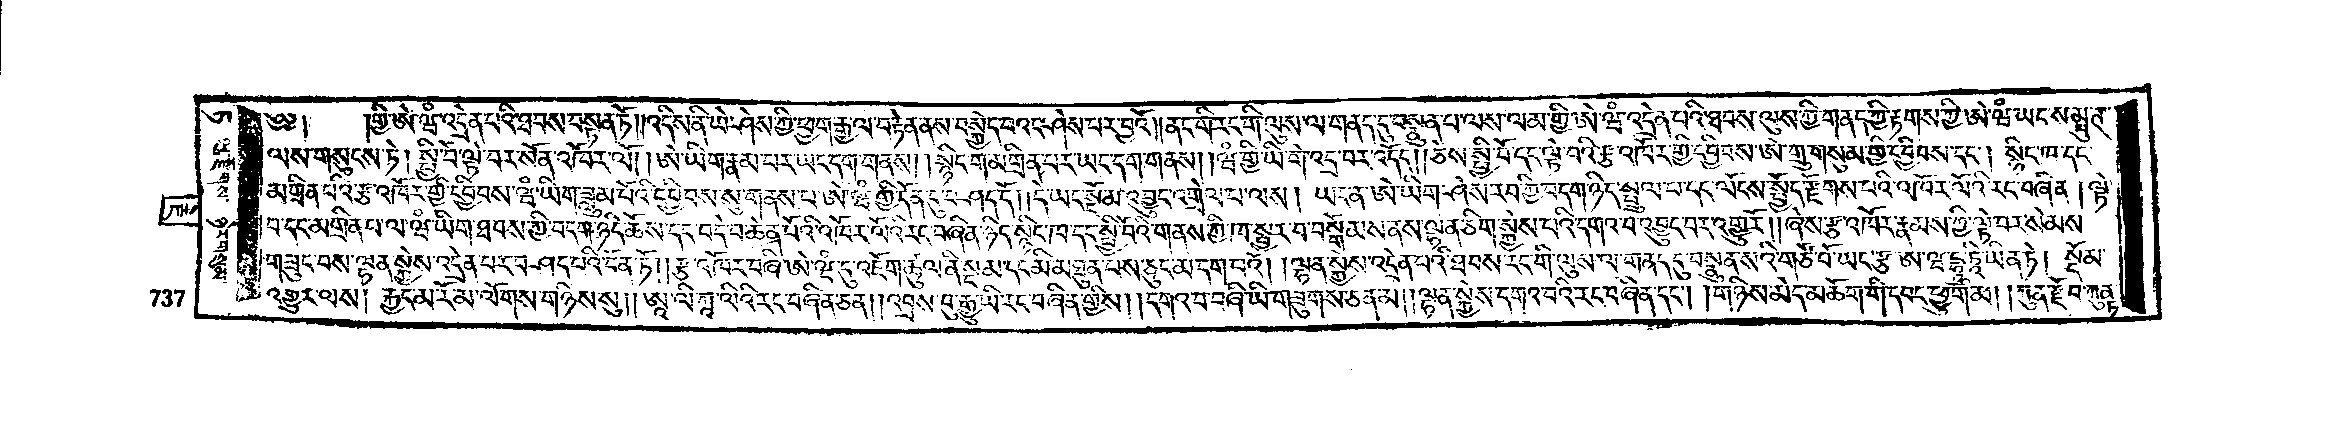༄༅། །གྱི་ཨེ་ཝཾ་འདྲེན་པའི་ཐབས་བསྟན་ཏོ། །འདིས་ནི་ཡེ་ཤེས་ཀྱི་ཕྱག་རྒྱ་ལ་བརྟེན་ནས་བསྐྱེད་པའང་ཤེས་པར་བྱའོ། །ནང་གི་རང་གི་ལུས་ལ་གནད་དུ་བསྣུན་པ་ལས་ལམ་གྱི་ཨེ་ཝཾ་འདྲེན་པའི་ཐབས་ལུས་ཀྱི་གནད་ཀྱི་རྟགས་ཀྱི་ཨེ་ཝཾ་ཡང་སམྦུ་ཊ་
ལས་གསུངས་ཏེ། སྤྱི་བོ་ལྟེ་བར་སོན་འཁོར་ལོ། །ཨེ་ཡིག་རྣམ་པར་ཡང་དག་གནས། །སྙིང་ག་མགྲིན་པར་ཡང་དག་གནས། །ཝཾ་གྱི་ཡི་གེ་འདྲ་བར་འདོད། །ཅེས་སྤྱི་བོ་དང་ལྟེ་བའི་རྩ་འཁོར་གྱི་དབྱིབས་ཨེ་གྲུ་གསུམ་གྱི་དབྱིབས་དང་། སྙིང་ཁ་དང་
མགྲིན་པའི་རྩ་འཁོར་གྱི་དབྱིབས་ཝཾ་ཡིག་ཟླུམ་པོའི་དབྱིབས་སུ་གནས་པ་ཨེ་ཝཾ་གྱི་དོན་དུ་བཤད་དོ། །དེ་ཡང་སྡོམ་འབྱུང་འགྲེལ་པ་ལས། ཡང་ན་ཨེ་ཡིག་ཤེས་རབ་ཀྱི་བདག་ཉིད་སྤྲུལ་པ་དང་ལོངས་སྤྱོད་རྫོགས་པའི་འཁོར་ལོའི་རང་བཞིན། ལྟེ་
བ་དང་མགྲིན་པ་ལ་ཝཾ་ཡིག་ཐབས་ཀྱི་བདག་ཉིད་ཆོས་དང་བདེ་བ་ཆེན་པོའི་འཁོར་ལོའི་རང་བཞིན་ཉིད་སྙིང་ཁ་དང་སྤྱི་བོའི་གནས་ཀྱི་ཁ་སྦྱར་བ་བསྒོམས་ནས་ལྷན་ཅིག་སྐྱེས་པའི་དགའ་བ་འབྱུང་བར་འགྱུར་རོ། །ཞེས་རྩ་འཁོར་རྣམས་ཀྱི་ལྟེ་བར་སེམས་
གཟུང་བས་ལྷན་སྐྱེས་འདྲེན་པར་བཤད་པའི་དོན་ཏོ། །རྩ་འཁོར་བཞི་ཨེ་ཝཾ་དུ་འཇོག་ཚུལ་ནི་སྔ་མ་དང་མི་མཐུན་པས་ཅུང་མ་དག་པའོ། །ལྷན་སྐྱེས་འདྲེན་པའི་ཐབས་རང་གི་ལུས་ལ་གནད་དུ་བསྣུན་སའི་གཙོ་བོ་ཡང་རྩ་ཨ་ཝ་དྷཱུ་ཏཱི་ཡིན་ཏེ། སྡོམ་
འགྱུར་ལས། རྐྱང་མ་རོ་མ་ལོགས་གཉིས་སུ། །ཨཱ་ལི་ཀཱ་ལིའི་རང་བཞིན་ཅན། །འབྲས་བུ་རྒྱུ་ཡི་རང་བཞིན་གྱིས། །དགའ་བ་བཞི་ཡི་གཟུགས་ཅན་མ། །ལྷན་སྐྱེས་དགའ་བའི་རང་བཞིན་དང་། །གཉིས་མེད་མཆོག་གི་དབང་ཕྱུག་མ། །ཀུན་རྫོབ་ཀུནྟ་